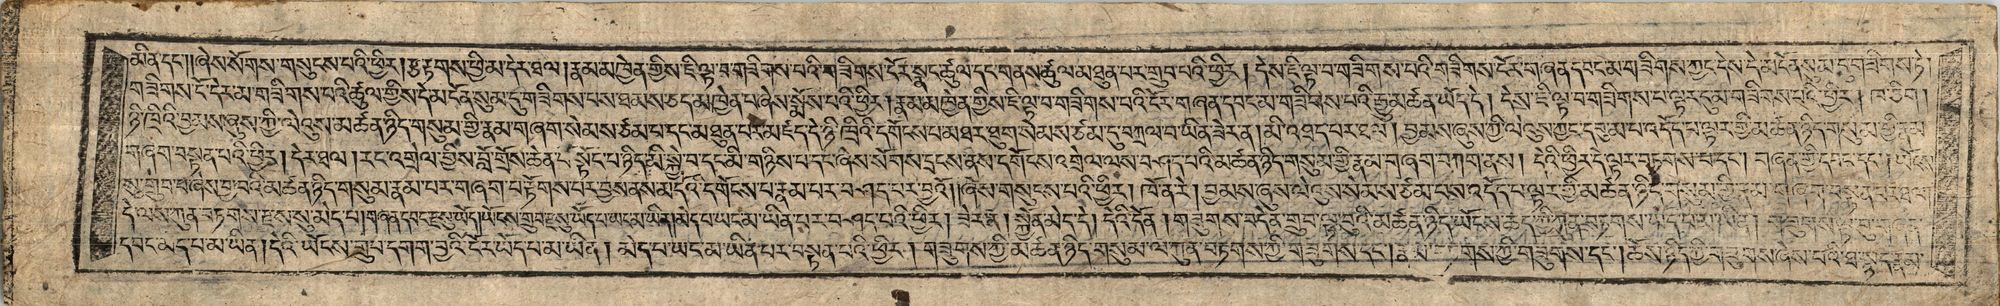མིན་དང་། །ཞེས་སོགས་གསུངས་པའི་ཕྱིར། རྩ་རྟགས་ཕྱི་མ་དེར་ཐལ། རྣམ་མཁྱེན་གྱིས་ཇི་ལྟ་བ་གཟིགས་པའི་གཟིགས་ངོར་སྣང་ཚུལ་དང་གནས་ཚུལ་མཐུན་པར་གྲུབ་པའི་ཕྱིར། དེས་ཇི་ལྟ་བ་གཟིགས་པའི་གཟིགས་ངོར་གཞན་དབང་མ་གཟིགས་ཀྱང་དེས་དེ་མངོན་སུམ་དུ་གཟིགས་ཏེ།
གཟིགས་ངོ་དེར་མ་གཟིགས་པའི་ཚུལ་གྱིས་དེ་མངོན་སུམ་དུ་གཟིགས་པས་ཐམས་ཅད་མཁྱེན་པ་ཞེས་སྨོས་པའི་ཕྱིར། རྣམ་མཁྱེན་གྱིས་ཇི་ལྟ་བ་གཟིགས་པའི་ངོར་གཞན་དབང་མ་གཟིགས་པའི་རྒྱུ་མཚན་ཡོད་དེ། དེས་ཇི་ལྟ་བ་གཟིགས་པ་ལྟར་དུ་མ་གཟིགས་པའི་ཕྱིར། ཁ་ཅིག །
ཉི་ཁྲིའི་བྱམས་ཞུས་ཀྱི་ལེའུས་མཚན་ཉིད་གསུམ་གྱི་རྣམ་གཞག་སེམས་ཙམ་པ་དང་མཐུན་པར་མཛད་དེ་ཉི་ཁྲིའི་དགོངས་པ་མཐར་ཐུག་སེམས་ཙམ་དུ་བཀྲལ་བ་ཡིན་ཟེར་ན། མི་འཐད་པར་ཐལ། བྱམས་ཞུས་ཀྱི་ལེའུས་ཀྱང་དབུ་མ་པ་འདོད་པ་ལྟར་གྱི་མཚན་ཉིད་གསུམ་གྱི་རྣམ་
གཞག་བསྟན་པའི་ཕྱིར། དེར་ཐལ། རང་འགྲེལ་གྱིས་བློ་གྲོས་ཆེན་པོ་སྟོང་པ་ཉིད་མི་སྐྱེ་བ་དང་མི་གཉིས་པ་དང་ཞེས་སོགས་དྲངས་ནས་དགོངས་འགྲེལ་ལས། བཤད་པའི་མཚན་ཉིད་གུསྨྒྱི་རྣམ་གཞག་བཀག་ནས། དེའི་ཕྱིར་དེ་ལྟར་བཏགས་པ་དང་། གཞན་གྱི་དབང་དང་། ཡོངས་
སུ་གྲུབ་པ་ཞེས་བྱ་བའི་མཚན་ཉིད་གསུམ་རྣམ་པར་གཞག་པ་རྟོགས་པར་བྱས་ནས་མདོའི་དགོངས་པ་རྣམ་པར་བཤད་པར་བྱའོ། །ཞེས་གསུངས་པའི་ཕྱིར། ཁོ་ན་རེ། བྱམས་ཞུས་ལེའུས་སེམས་ཙམ་པས་འདོད་པ་ལྟར་གྱི་མཚན་ཉིད་གསུམ་གྱི་རྣམ་གཞག་བསྟན་པར་ཐལ།
དེ་ལས་ཀུན་བཏགས་རྫས་སུ་མེད་པ། གཞན་དབང་རྫས་སུ་ཡོད། ཡོངས་གྲུབ་རྫས་སུ་ཡོད་པ་ཡང་མ་ཡིན། མེད་པ་ཡང་མ་ཡིན་པར་བཤད་པའི་ཕྱིར། ཟེར་ན། སྐྱོན་མེད་དེ། དེའི་དོན། གཟུགས་བདེན་གྲུབ་ལྟ་བུའི་མཚན་ཉིད་ཡོངས་ཆད་ཀྱི་ཀུན་བཏགས་ཡོད་པ་མ་ཡིན། གཟུགས་ལྟ་བུ་གཞན་
དབང་མེད་པ་མ་ཡིན། དེའི་ཡོངས་གྲུབ་དགག་བྱའི་ངོར་ཡོད་པ་མ་ཡིན། མེད་པ་ཡང་མ་ཡིན་པར་བསྟན་པའི་ཕྱིར། གཟུགས་ཀྱི་མཚན་ཉིད་གསུམ་ལ་ཀུན་བཏགས་ཀྱི་གཟུགས་དང་། རྣམ་བཏགས་ཀྱི་གཟུགས་དང་། ཆོས་ཉིད་ཀྱི་གཟུགས་ཞེས་པའི་ཐ་སྙད་རྣམ་